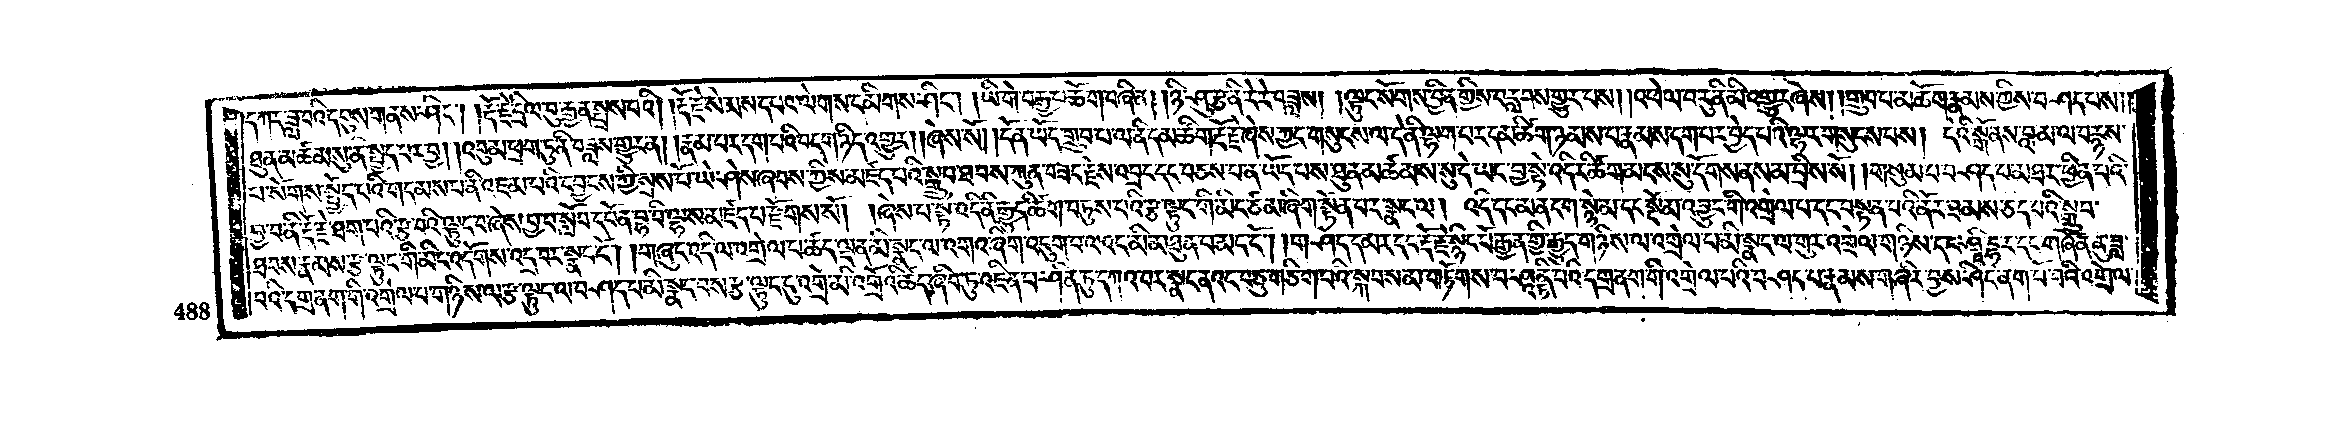དཀར་ཟླ་བའི་དབུས་གནས་ཤིང་། །རྡོ་རྗེ་དྲིལ་བུ་རྒྱན་སྤྲས་པའི། །རྡོ་རྗེ་སེམས་དཔའ་ལེགས་དམིགས་ཤིང་། །ཡི་གེ་བརྒྱ་པ་ཆོ་ག་བཞིན། །ཉི་ཤུ་རྩ་ནི་རེ་རེ་བཟླས། །ལྟུང་སོགས་བྱིན་གྱིས་བརླབས་གྱུར་པས། །འཕེལ་བ་རུ་ནི་མི་འགྱུར་ཞེས། །གྲུབ་པ་མཆོག་རྣམས་ཀྱིས་བཤད་པས། །
ཐུན་མཚམས་སུ་ནི་སྤྱད་པར་བྱ། །འབུམ་ཕྲག་ཏུ་ནི་བཟླས་གྱུར་ན། །རྣམ་པར་དག་པའི་བདག་ཉིད་འགྱུར། །ཞེས་སོ། །དོན་ཡོད་གྲུབ་པ་ལ་ནི་དམ་ཚིག་རྡོ་རྗེ་ཞེས་ཀྱང་གསུངས་ལ་དེ་ནི་ལྷག་པར་དམ་ཚིག་ཉམས་པ་རྣམས་དག་པར་བྱེད་པའི་ལྷར་གསུངས་པས། དེའི་སྒོ་ནས་བླ་མ་ལ་བརྙས་
པ་སོགས་སྤྱོད་པའི་གདམས་པ་ནི་འཇམ་པའི་དབྱངས་ཀྱི་སྲས་པོ་ཡེ་ཤེས་ཞབས་ཀྱིས་མཛད་པའི་སྒྲུབ་ཐབས་ཀུན་བཟང་རྗེས་འབྲང་དང་བཅས་པ་ན་ཡོད་པས་ཐུན་མཚམས་སུ་དེ་ཡང་བྱ་སྟེ་འདིར་ཚིག་མངས་སུ་དོགས་ནས་མ་བྲིས་སོ། །གསུམ་པ་བཤད་པ་མཐར་ཕྱིན་པའི་
བྱ་བ་ནི་རྡོ་རྗེ་ཐག་པའི་རྩ་བའི་ལྟུང་བ་ཞེས་བྱ་བ་སློབ་དཔོན་བྷ་བི་ལྷས་མཛད་པ་རྫོགས་སོ། །ཞེས་པ་སྟེ་འདི་ནི་རྒྱུད་ཚིག་བཏུས་པའི་རྩ་ལྟུང་གི་མིང་ཙམ་ཞིག་སྟོན་པར་སྣང་ལ། འདི་དང་མན་ངག་སྙེ་མ་དང་སྔོམ་འབྱུང་གི་འགྲེལ་པ་དང་བསྟན་པའི་ནོར་ཐམས་ཅད་པའི་སྒྲུབ་
ཐབས་རྣམས་རྩ་ལྟུང་གི་མིང་འདོགས་འདྲ་བར་སྣང་ངོ། །གཞུང་འདི་ལ་འགྲེལ་པ་ཚད་ལྡན་མི་སྣང་ལ་འགའ་ཞིག་འདུག་པ་ལའང་མི་མཐུན་པ་མང་ངོ། །གཤེད་དམར་དང་རྡོ་རྗེ་སྙིང་པོ་རྒྱན་གྱི་རྒྱུད་གཉིས་ལ་འགྲེལ་པ་མི་སྣང་ལ་གུར་འགྲེལ་གཉིས་དང་ཤྲཱཨི་དྷ་ར་དང་གཞོན་ནུ་ཟླ་
བའི་དགྲ་ནག་གི་འགྲེལ་པ་གཉིས་ལ་རྩ་ལྟུང་ལ་བཤད་པ་མི་སྣང་བས་རྩ་ལྟུང་དུ་འགྲེ་མི་འགྲོའི་ཚད་ཞིབ་ཏུ་འཛིན་པ་ཤིན་ཏུ་དཀའ་བར་སྣང་ནའང་བཅུ་གཅིག་པའི་སྐབས་མ་གཏོགས་པ་ཤཱནྟི་པའི་དགྲ་ནག་གི་འགྲེལ་པའི་བཤད་པ་རྣམས་གཞིར་བྱས་ཤིང་ནག་པོ་བའི་འགྲེལ་